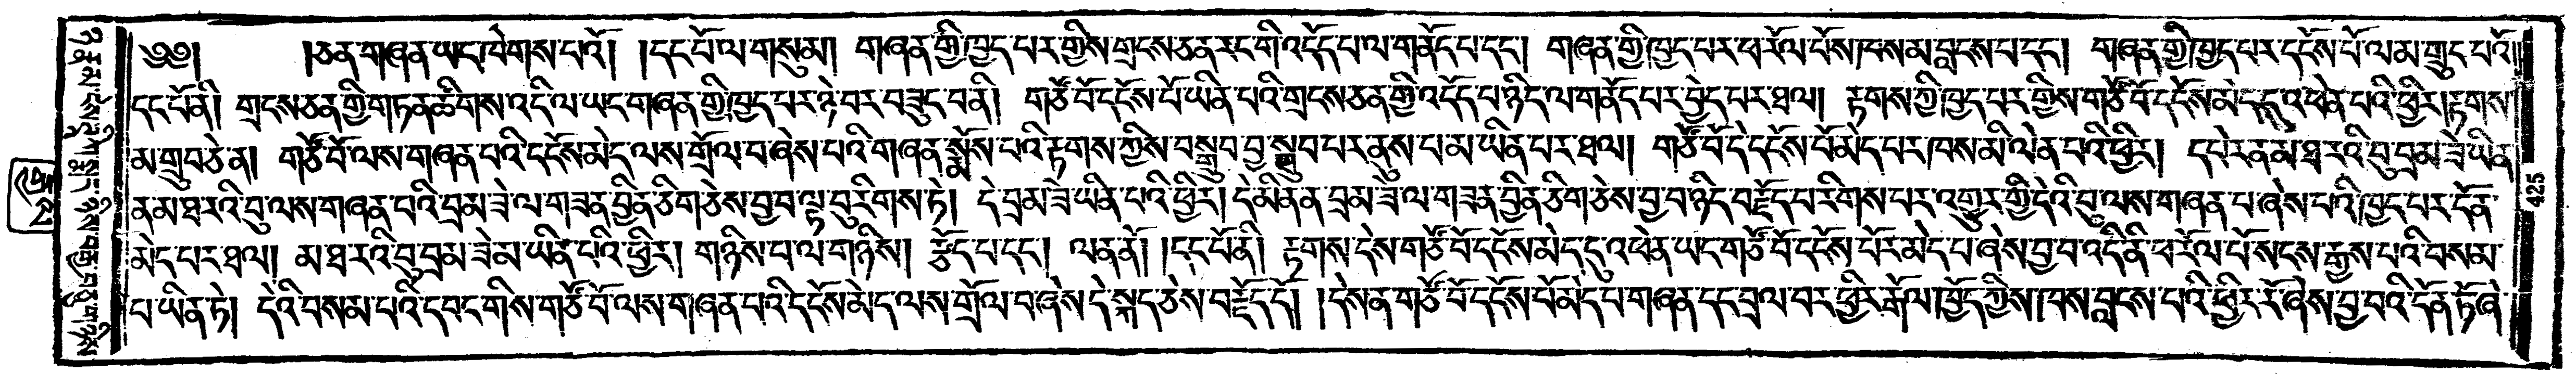༄༅། །ཅན་གཞན་ཡང་ཁེགས་པའོ། །དང་པོ་ལ་གསུམ། གཞན་གྱི་ཁྱད་པར་གྱིས་གྲངས་ཅན་རང་གི་འདོད་པ་ལ་གནོད་པ་དང་། གཞན་གྱི་ཁྱད་པར་ཕ་རོལ་པོས་ཁས་མ་བླངས་པ་དང་། གཞན་གྱི་ཁྱད་པར་དངོས་པོ་ལ་མ་གྲུང་པའོ།།
དང་པོ་ནི། གྲངས་ཅན་གྱི་གཏན་ཚིགས་འདི་ལ་ཡང་གཞན་གྱི་ཁྱད་པར་ཉེ་བར་བཟུང་བ་ནི། གཙོ་བོ་དངོས་པོ་ཡིན་པའི་གྲངས་ཅན་གྱི་འདོད་པ་ཉིད་ལ་གནོད་པར་བྱེད་པར་ཐལ། རྟགས་ཀྱི་ཁྱད་པར་གྱིས་གཙོ་བོ་དངོས་མེད་དུ་འཕེན་པའི་ཕྱིར། རྟགས་
མ་གྲུབ་ཅེ་ན། གཙོ་བོ་ལས་གཞན་པའི་དངོས་མེད་ལས་གྲོལ་བ་ཞེས་པའི་གཞན་སྨོས་པའི་རྟགས་ཀྱིས་བསྒྲུབ་བྱ་སྒྲུབ་པར་ནུས་པ་མ་ཡིན་པར་ཐལ། གཙོ་བོ་དེ་དངོས་པོ་མེད་པར་ཁས་མི་ལེན་པའི་ཕྱིར། དཔེར་ནམ་ཐ་རའི་བུ་བྲམ་ཟེ་ཡིན་
ན་མ་ཐ་རའི་བུ་ལས་གཞན་པའི་བྲམ་ཟེ་ལ་གཟན་བྱིན་ཅིག་ཅེས་བྱ་བ་ལྟ་བུ་རིགས་ཏེ། དེ་བྲམ་ཟེ་ཡིན་པའི་ཕྱིར། དེ་མིན་ན་བྲམ་ཟེ་ལ་གཟན་བྱིན་ཅིག་ཅེས་བྱ་བ་ཉིད་བརྗོད་པ་རིགས་པར་འགྱུར་གྱི་དེའི་བུ་ལས་གཞན་པ་ཞེས་པའི་ཁྱད་པར་དོན་
མེད་པར་ཐལ། མ་ཐ་རའི་བུ་བྲམ་ཟེ་མ་ཡིན་པའི་ཕྱིར། གཉིས་པ་ལ་གཉིས། རྩོད་པ་དང་། ལན་ནོ། །དང་པོ་ནི། རྟགས་དེས་གཙོ་བོ་དངོས་མེད་དུ་འཕེན་ཡང་གཙོ་བོ་དངོས་པོར་མེད་པ་ཞེས་བྱ་བ་འདི་ནི་ཕ་རོལ་པོ་སངས་རྒྱས་པའི་བསམ་
པ་ཡིན་ཏེ། དེའི་བསམ་པའི་དབང་གིས་གཙོ་བོ་ལས་གཞན་པའི་དངོས་མེད་ལས་གྲོལ་བ་ཞེས་དེ་སྐད་ཅེས་བརྗོད་དོ། །དེས་ན་གཙོ་བོ་དངོས་བོ་མེད་པ་གཞན་དང་བྲལ་བར་ཕྱིར་རྒོལ་ཁྱོད་ཀྱིས་ཁས་བླངས་པའི་ཕྱིར་རོ་ཞེས་བྱ་བའི་དོན་ཏོ་ཞེ་